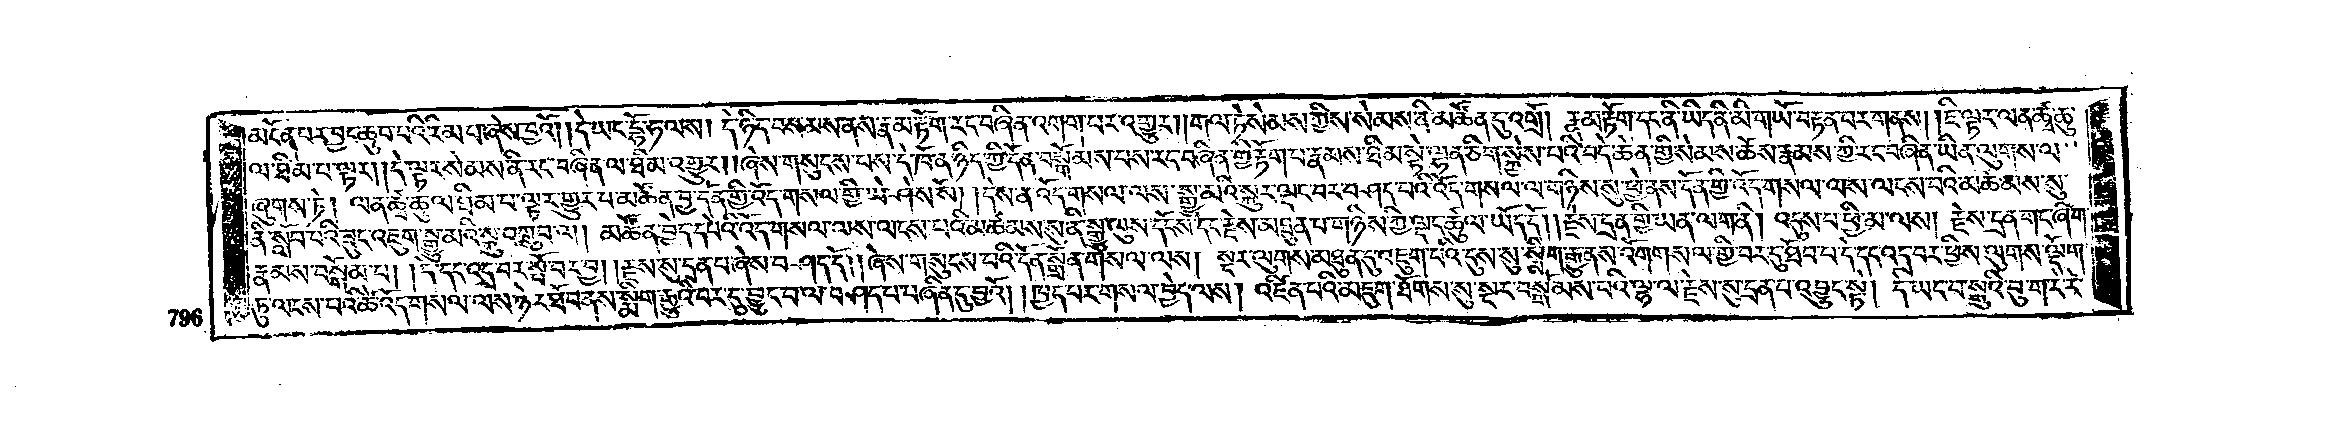མངོན་པར་བྱང་ཆུབ་པའི་རིམ་པ་ཞེས་བྱའོ། །དེ་ཡང་དྷོ་ཧ་ལས། དེ་ཉིད་བསམས་ནས་རྣམ་རྟོག་རང་བཞིན་འགག་པར་འགྱུར། །གལ་ཏེ་སེམས་ཀྱིས་སེམས་ནི་མཚོན་དུ་འགྲོ། རྣམ་རྟོག་དང་ནི་ཡིད་ནི་མི་གཡོ་བརྟན་པར་གནས། །ཇི་ལྟར་ལན་ཚྭ་ཆུ་
ལ་ཐིམ་པ་ལྟར། །དེ་ལྟར་སེམས་ནི་རང་བཞིན་ལ་ཐིམ་འགྱུར། །ཞེས་གསུངས་པས་དེ་ཁོ་ན་ཉིད་ཀྱི་དོན་བསྒོམས་པས་རང་བཞིན་གྱི་རྟོག་པ་རྣམས་ཐིམ་སྟེ་ལྷན་ཅིག་སྐྱེས་པའི་བདེ་ཆེན་གྱི་སེམས་ཆོས་རྣམས་ཀྱི་རང་བཞིན་ཡིན་ལུགས་ལ་
ཞུགས་ཏེ། ལན་ཚྭ་ཆུ་ལ་ཐིམ་པ་ལྟར་གྱུར་པ་མཚོན་བྱ་དོན་གྱི་འོད་གསལ་གྱི་ཡེ་ཤེས་སོ། །དེས་ན་འོད་གསལ་ལས་སྒྱུ་མའི་སྐུར་ལྡང་བར་བཤད་པའི་འོད་གསལ་ལ་གཉིས་སུ་ཕྱེ་ནས་དོན་གྱི་འོད་གསལ་ལས་ལངས་པའི་མཚམས་སུ་
ནི་སློབ་པའི་ཟུང་འཇུག་སྒྱུ་མའི་སྐུ་འགྲུབ་ལ། མཚོན་བྱེད་དཔེའི་འོད་གསལ་ལས་ལངས་པའི་མཚམས་སུ་ནི་སྒྱུ་ལུས་དངོས་དང་རྗེས་མཐུན་པ་གཉིས་ཀྱི་ལྡང་ཚུལ་ཡོད་དོ། །རྗེས་དྲན་གྱི་ཡན་ལག་ནི། འདུས་པ་ཕྱི་མ་ལས། རྗེས་དྲན་གང་ཞིག་
རྣམས་བསྒོམ་པ། །དེ་དང་འདྲ་བར་སྤྲོ་བར་བྱ། །རྗེས་སུ་དྲན་པ་ཞེས་བཤད་དོ། །ཞེས་གསུངས་པའི་དོན་སྒྲོན་གསལ་ལས། སྔར་ལུགས་མཐུན་དུ་འཇུག་པའི་དུས་སུ་སྨིག་རྒྱུ་ནས་འོད་གསལ་གྱི་བར་དུ་ཐོབ་པ་དེ་དང་འདྲ་བར་ཕྱིས་ལུགས་ལྡོག་
ཏུ་ལངས་པའི་ཚེ་འོད་གསལ་ལས་ཉེར་ཐོབ་ནས་སྨིག་རྒྱུའི་བར་དུ་བྱུང་བ་ལ་བཤད་པ་བཞིན་དུ་བྱའོ། །ཁྱད་པར་གསལ་བྱེད་ལས། འཛིན་པའི་མཇུག་ཐོགས་སུ་སྔར་བསྒོམས་པའི་ལྷ་ལ་རྗེས་སུ་དྲན་པ་འབྱུང་སྟེ། དེ་ཡང་བ་སྤུའི་བུ་ག་རེ་རེ་